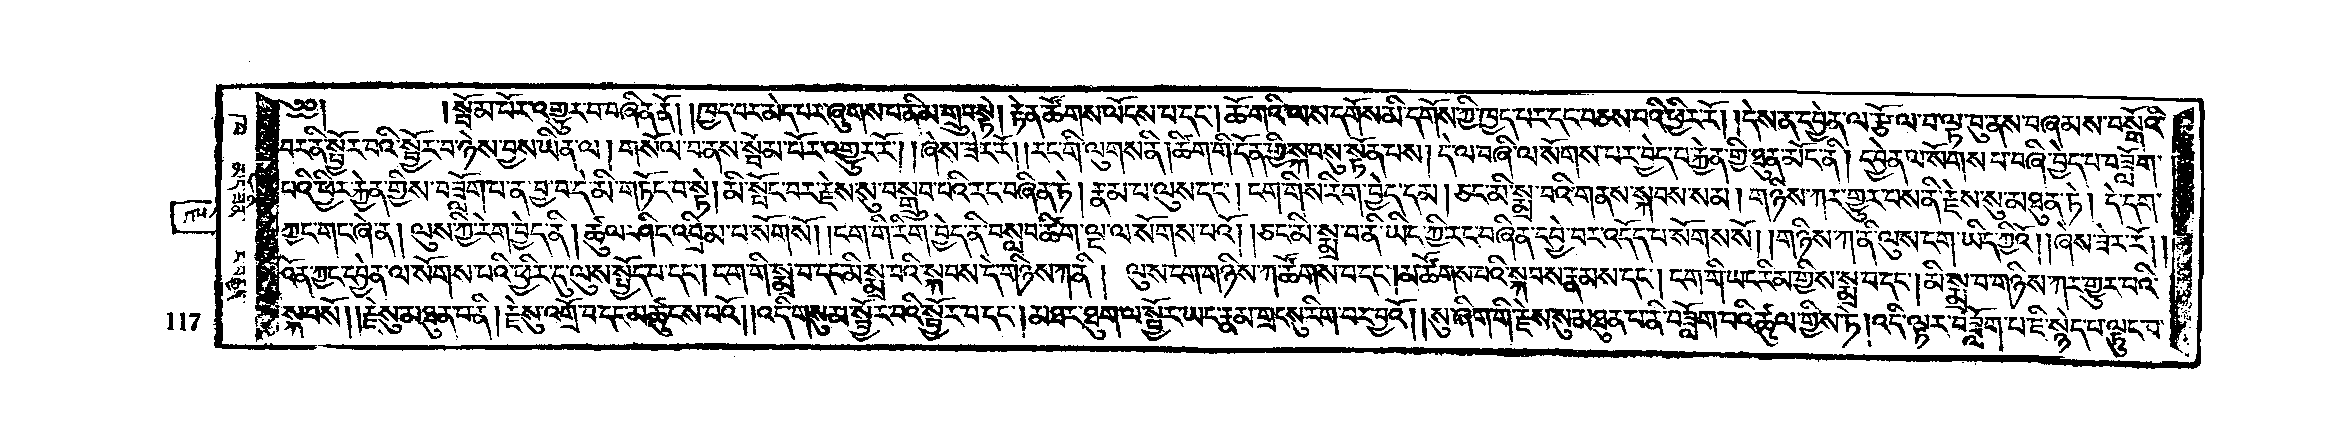༄༅། །སྦོམ་པོར་འགྱུར་བ་བཞིན་ནོ། །ཁྱད་པར་མེད་པར་ཞུགས་པ་ནི་མ་གྲུབ་སྟེ། རྟེན་ཚོགས་ལོངས་པ་དང་། ཆོ་གའི་ལས་དགོས་མི་དགོས་ཀྱི་ཁྱད་པར་དང་བཅས་པའི་ཕྱིར་རོ། །དེས་ན་དབྱེན་ལ་རྩོལ་བ་ལྟ་བུ་ནས་བཞམས་བསྒོའི་
བར་ནི་སྦྱོར་བའི་སྦྱོར་བ་ཉེས་བྱས་ཡིན་ལ། གསོལ་བ་ནས་སྦོམ་པོར་འགྱུར་རོ། །ཞེས་ཟེར་རོ། །རང་གི་ལུགས་ནི། ཚིག་གི་དོན་གྱི་སྐབས་སུ་སྟོན་པས། དེ་ལ་བཞི་ལ་སོགས་པར་བྱེད་པ་རྐྱེན་གྱི་ཐུན་མོང་ནི། དབྱེན་ལ་སོགས་པ་བཞི་བྱེད་པ་བཟློག་
པའི་ཕྱིར་རྐྱེན་གྱིས་བཟློག་པ་ན་བྱ་བ་དེ་མི་གཏོང་བ་སྟེ། མི་སྤོང་བར་རྗེས་སུ་བསྒྲུབ་པའི་རང་བཞིན་ཏེ། རྣམ་པ་ལུས་དང་། ངག་གིས་རིག་བྱེད་དམ། ཅང་མི་སྨྲ་བའི་གནས་སྐབས་སམ། གཉིས་ཀར་གྱུར་པས་ནི་རྗེས་སུ་མཐུན་ཏེ། དེ་དག་
ཀྱང་གང་ཞེ་ན། ལུས་ཀྱི་རེག་བྱེད་ནི། ཚུལ་ཤིང་འབྲིམ་པ་སོགས་སོ། །ངག་གི་རིག་བྱེད་ནི་བསླབ་ཚིག་ལྔ་ལ་སོགས་པའོ། །ཅང་མི་སྨྲ་བ་ནི་ཡིད་ཀྱི་རང་བཞིན་དབྱེ་བར་འདོད་པ་སོགས་སོ། །གཉིས་ཀ་ནི་ལུས་ངག་ཡིད་ཀྱིའོ། །ཞེས་ཟེར་རོ། །
འོན་ཀྱང་དབྱེན་ལ་སོགས་པའི་ཕྱིར་དུ་ལུས་སྤྱོད་པ་དང་། ངག་གི་སྨྲ་བ་དང་མི་སྨྲ་བའི་སྐབས་དེ་གཉིས་ཀ་ནི། ལུས་ངག་གཉིས་ཀ་ཚོགས་པ་དང་། མ་ཚོགས་པའི་སྐབས་རྣམས་དང་། ངག་གི་ཡང་རིམ་གྱིས་སྨྲ་བ་དང་། མི་སྨྲ་བ་གཉིས་ཀར་གྱུར་པའི་
སྐབས་སོ། །རྗེས་སུ་མཐུན་པ་ནི། རྗེས་སུ་འགྲོ་བ་དང་མཚུངས་པའོ། །འདི་གསུམ་སྦྱོར་བའི་སྦྱོར་བ་དང་། མཐར་ཐུག་ལ་སྦྱོར་ཡང་རྣམ་གྲངས་སུ་རིག་པར་བྱའོ། །སུ་ཞིག་གི་རྗེས་སུ་མཐུན་པ་ནི་བཟློག་པའི་ཚུལ་གྱིས་ཏེ། འདི་ལྟར་བཟློག་པ་ཇི་སྙེད་པ་ལྟུང་བ་